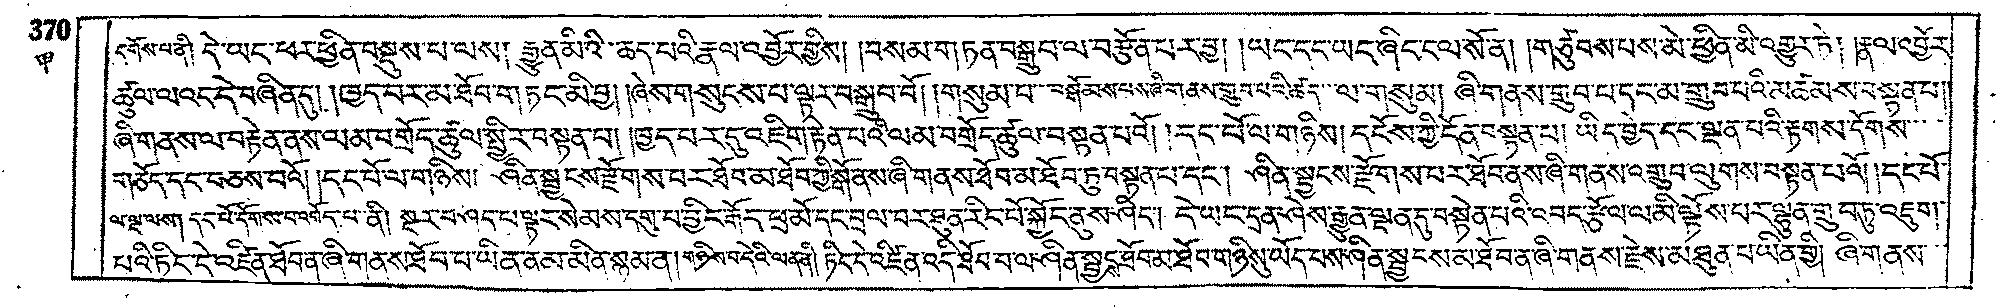དགོས་པ་ནི། དེ་ཡང་ཕར་ཕྱིན་བསྡུས་པ་ལས། རྒྱུན་མིའིཆད་པའི་རྣལ་འབྱོར་གྱིས། །བསམ་གཏན་བསྒྲུབ་ལ་བརྩོན་པར་བྱ། །ཡང་དང་ཡང་བཞིང་ངལ་སོ་ན། །གཙུབས་པས་མེ་ཕྱིན་མི་འགྱུར་ཏེ། །རྣལ་འབྱོར་
ཚུལ་ལའང་དེ་བཞིན་དུ། །ཁྱད་པར་མ་ཐོབ་གཏང་མི་བྱ། །ཞེས་གསུངས་པ་ལྟར་བསྒྲུབ་བོ། །གསུམ་པབསྒོམས་པས་ཞིག་གནས་གྲུབ་པའི་ཚད་ལ་གསུམ། ཞི་གནས་གྲུབ་པ་དང་མ་གྲུབ་པའི་མཚམས་བསྟན་པ།
ཞི་གནས་ལ་བརྟེན་ནས་ལམ་བགྲོད་ཚུལ་སྤྱིར་བསྟན་པ། །ཁྱད་པར་དུ་འཇིག་རྟེན་པའི་ལམ་འགྲོད་ཚུལ་བསྟན་པའོ། །དང་པོ་ལ་གཉིས། དངོས་ཀྱི་དོན་བསྟན་པ། ཡིད་བྱེད་དང་ལྡན་པ་རྟགས་དོགས་
གཅོད་དང་བཅས་པའོ། །དང་པོ་ལ་གཉིས། ཤིན་སྦྱངས་རྫོགས་པར་ཐོབ་མ་ཐོབ་ཀྱི་སྒོ་ནས་ཞི་གནས་ཐོབ་མ་ཐོབ་ཏུ་བསྟན་པ་དང་། ཤིན་སྦྱངས་རྫོགས་པར་ཐོབ་ནས་ཞི་གནས་འགྲུབ་ལུགས་བསྟན་པའོ། །དང་པོ་
ལ་ལྔ་ལས། དང་པོ་དོགས་པ་འགོད་པནི། སྔར་བཤད་པ་ལྟར་སེམས་དགུ་པ་བྱིང་རྒོད་ཕྲ་མོ་དང་བྲལ་བར་ཐུན་རིང་པོ་སྐྱོང་ནུས་ཤིང་། དེ་ཡང་དྲན་ཤེས་རྒྱུ་ལྡན་དུ་བསྟེན་པའི་འབད་རྩོལ་ལ་མི་སྟོབས་པར་ལྷུན་གྲུབ་ཏུ་འཇུག་
པའི་ཏིང་ངེ་འཛིན་ཐོབ་ན་ཞི་གནས་ཐོབ་པ་ཡིན་ནམ་མིན་སྙམ་ན། གཉིས་པ་དེའི་ལན་ནི།  ཏིང་ངེ་འཛིན་འདི་ཐོབ་པ་ལ་ཤིན་སྦྱངས་མ་ཐོབ་ན་ཐོབ་གཉིས་སུ་ཡོད་པས་ཤིན་སྦྱངས་མ་ཐོབ་ན་ཞི་གནས་རྗེས་མཐུན་པ་ཡིན་གྱི། ཞི་གནས་